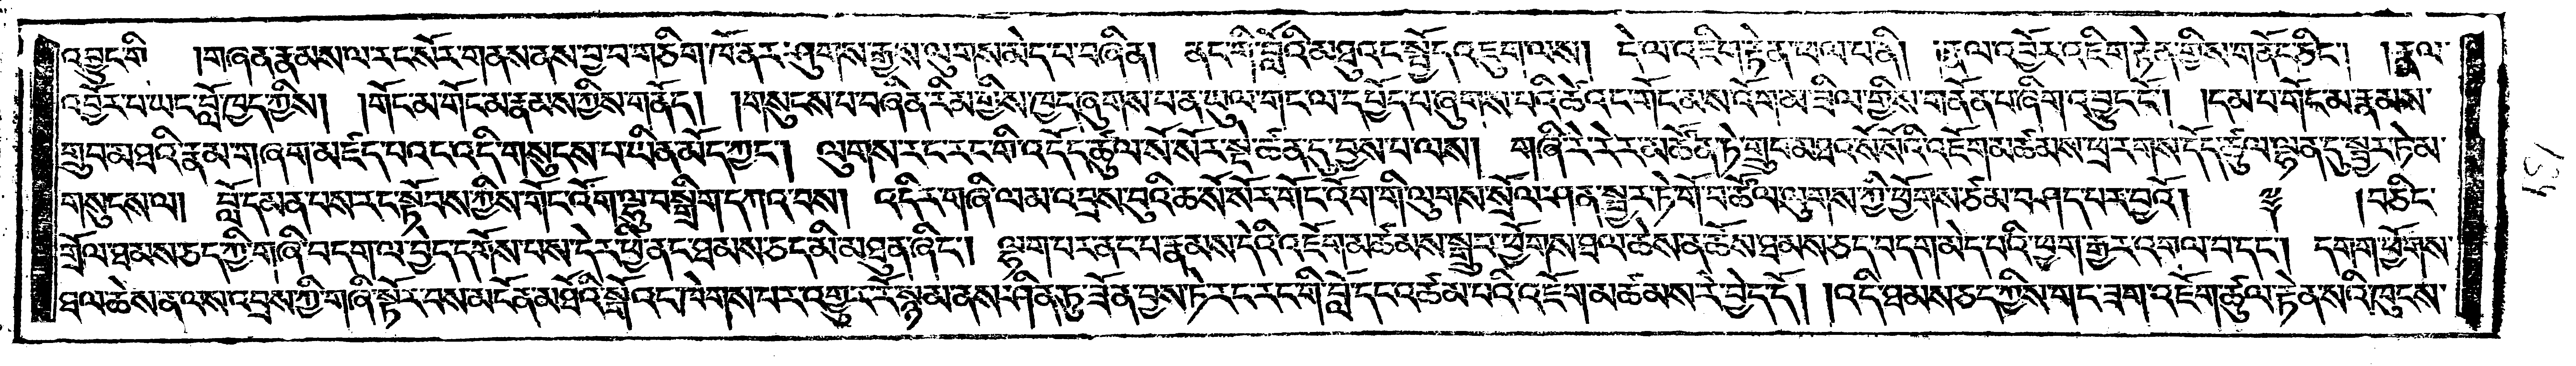འབྱུང་གི །གཞེན་རྣམས་ལ་རང་སོར་གནས་ནས་བྱ་བ་གཅིག་ཁོ་ནར་ཤུགས་རྒྱས་ལུགས་མེད་པ་བཞིན། ནང་གི་བློའི་མཐུའང་སྤྱོད་འཇུག་ལས། དེ་ལ་འཇིག་རྟེན་ཕལ་པ་ནི། །རྣལ་འབྱོར་འཇིག་རྟེན་གྱིས་གནོད་ཅིང་། །རྣལ་
འབྱོར་པ་ཡང་བློ་ཁྱད་ཀྱིས། །གོང་མ་གོང་མ་རྣམས་ཀྱིས་གནོད། །གསུངས་པ་བཞིན་རིམ་གྱིས་ཁྱད་ཞུགས་པ་ན་ཡུལ་གང་ལ་དཔྱོད་པ་ཞུགས་པའི་ཚེའང་གོང་མས་འོག་མ་ཟིལ་གྱིས་གནོན་པ་ཞིག་འབྱུང་ངོ། །དམ་པ་གོང་མ་རྣམས་
གྲུབ་མཐའི་རྣམ་གཞག་མཛད་པའང་འདི་གསུངས་པ་ཡིན་མོད་ཀྱང་། ལུགས་རང་རང་གི་འདོད་ཚུལ་སོ་སོར་སྡེ་ཚན་དུ་བྱས་པ་ལས། གཞི་རེ་རེར་མཚོན་ཏེ་གྲུབ་མཐའ་སོ་སོའི་འཇོག་མཚམས་ཕྲ་རགས་དོད་ཚུལ་ལྷན་དུ་སྦྱར་ཏེ་མ་
གསུངས་ལ། བློ་དམན་པས་རང་སྟོབས་ཀྱིས་གོང་འོག་ལྷུ་བསྒྲིག་དཀའ་བས། འདིར་གཞི་ལམ་འབྲས་བུའི་ཆ་སོ་སོར་གོང་འོག་གི་ལུགས་སྲོལ་ཤན་སྦྱར་ཏེ་གོ་བ་ཚོལ་ལུགས་ཀྱི་ཕྱོགས་ཙམ་བཤད་པར་བྱའོ། །བཅིང་
གྲོལ་ཐམས་ཅད་ཀྱི་གཞི་བདག་ལ་བྱེད་དགོས་པས་དེར་ཕྱི་ནང་ཐམས་ཅད་མི་མཐུན་ཞིང་། ལྷག་པར་ནང་པ་རྣམས་དེའི་འཇོག་མཚམས་སྒྲུབ་ཕྱོགས་ཐལ་ཆེས་ན་ཆོས་ཐམས་ཅད་བདག་མེད་པའི་ཕྱག་རྒྱར་འགལ་བ་དང་། དགག་ཕྱོགས་
ཐལ་ཆེས་ན་ལས་འབྲས་ཀྱི་གཞི་སྟོར་བས་མངོན་མཐོའི་སྒོའང་ཁེགས་པར་འགྱུར་རོ་སྙམ་ནས་ཤིན་ཏུ་ཟོན་བྱས་ཏེ་རང་རང་གི་བློ་དང་འཚམ་པའི་འཇོག་མཚམས་རེ་བྱེད་དོ། །འདི་ཐམས་ཅད་ཀྱིས་གང་ཟག་འཇོག་ཚུལ་རྟེན་སའི་ཁུང་